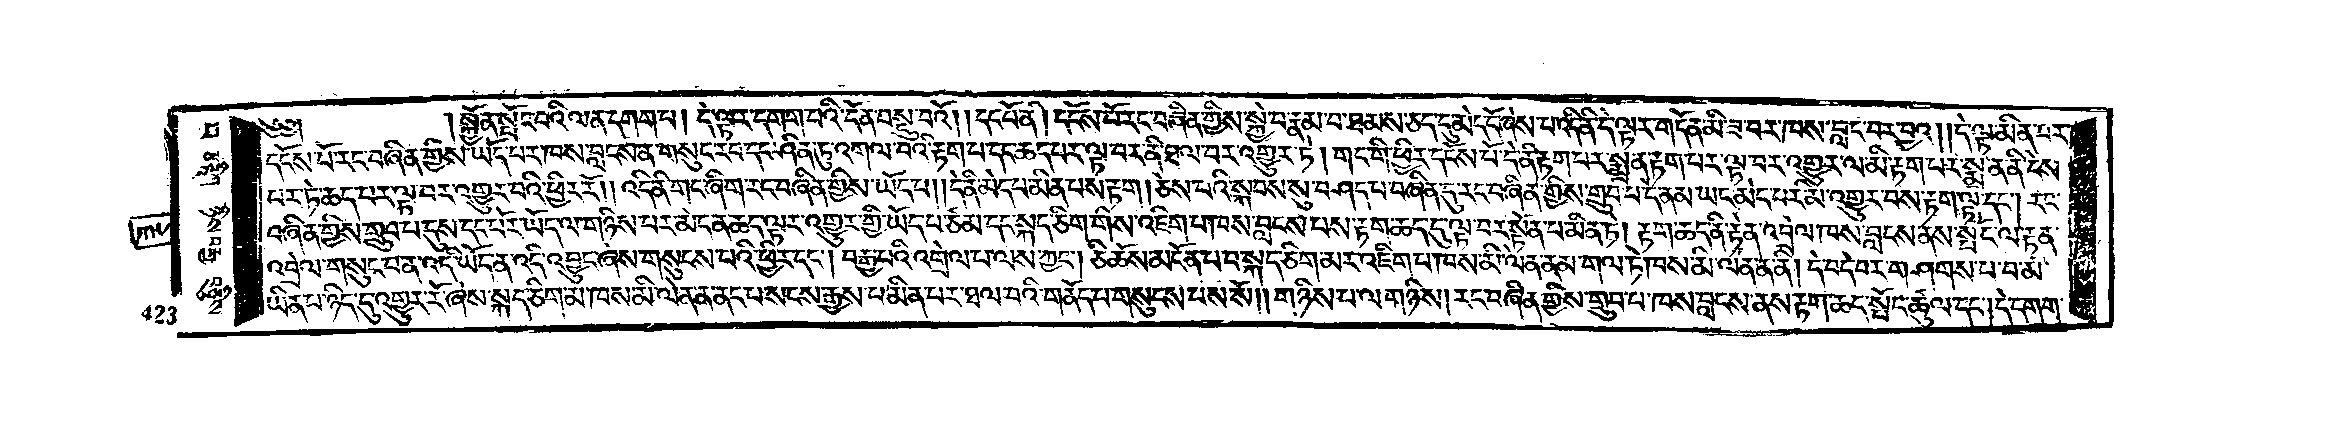༄༅། །སྐྱོན་སློང་བའི་ལན་དགག་པ། དེ་ལྟར་དགག་པའི་དོན་བསྡུ་བའོ། །དང་པོ་ནི། དངོས་པོ་རང་བཞིན་གྱིས་སྐྱེ་བ་རྣམ་པ་ཐམས་ཅད་དུ་མེད་དོ་ཞེས་པ་འདི་ནི་དེ་ལྟར་གདོན་མི་ཟ་བར་ཁས་བླང་བར་བྱའོ། །དེ་ལྟ་མིན་པར་
དངོས་པོ་རང་བཞིན་གྱིས་ཡོད་པར་ཁས་བླངས་ན་གསུང་རབ་དང་ཤིན་ཏུ་འགལ་བའི་རྟག་པ་དང་ཆད་པར་ལྟ་བར་ནི་ཐལ་བར་འགྱུར་ཏེ། གང་གི་ཕྱིར་དངོས་པོ་དེ་ནི་རྟག་པར་སྨྲ་ན་རྟག་པར་ལྟ་བར་འགྱུར་ལ་མི་རྟག་པར་སྨྲ་ན་ནི་ངེས་
པར་ཏེ་ཆད་པར་ལྟ་བར་འགྱུར་བའི་ཕྱིར་རོ། །འདི་ནི་གང་ཞིག་རང་བཞིན་གྱིས་ཡོད་པ། །དེ་ནི་མེད་པ་མིན་པས་རྟག། ཅེས་པའི་སྐབས་སུ་བཤད་པ་བཞིན་དུ་རང་བཞིན་གྱིས་གྲུབ་བ་དེ་ནམ་ཡང་མེད་པར་མི་འགྱུར་བས་རྟག་ལྟ་དང་། རང་
བཞིན་གྱིས་གྲུབ་པ་དུས་དང་པོར་ཡོད་ལ་གཉིས་པར་མེད་ན་ཆད་ལྟར་འགྱུར་གྱི་ཡོད་པ་ཙམ་དང་སྐད་ཅིག་གིས་འཇིག་པ་ཁས་བླངས་པས་རྟག་ཆད་དུ་ལྟ་བར་སྟོན་པ་མིན་ཏེ། རྟག་ཆད་ནི་རྟེན་འབྲེལ་ཁས་བླངས་ནས་སྤོང་ལ་རྟན་
འབྲེལ་གསུང་བ་ན་འདི་ཡོད་ན་འདི་འབྱུང་ཞེས་གསུངས་པའི་ཕྱིར་དང་། བརྒྱ་པའི་འགྲེལ་པ་ལས་ཀྱང་། ཅི་ཆོས་མངོན་པ་བ་སྐད་ཅིག་མར་འཇིག་པ་ཁས་མི་ལེན་ནམ་གལ་ཏེ་ཁས་མི་ལན་ན་ནི། དེ་བདེ་བར་གཤགས་པ་བ་མ་
ཡིན་པ་ཉིད་དུ་འགྱུར་རོ་ཞེས་སྐད་ཅིག་མ་ཁས་མི་ལེན་ན་ནང་པ་སངས་རྒྱས་པ་མིན་པར་ཐལ་བའི་གནོད་པ་གསུངས་པས་སོ། །གཉིས་པ་ལ་གཉིས། རང་བཞིན་གྱིས་གྲུབ་པ་ཁས་བླངས་ནས་རྟག་ཆད་སྤོང་ཚུལ་དང་། དེ་དགག་